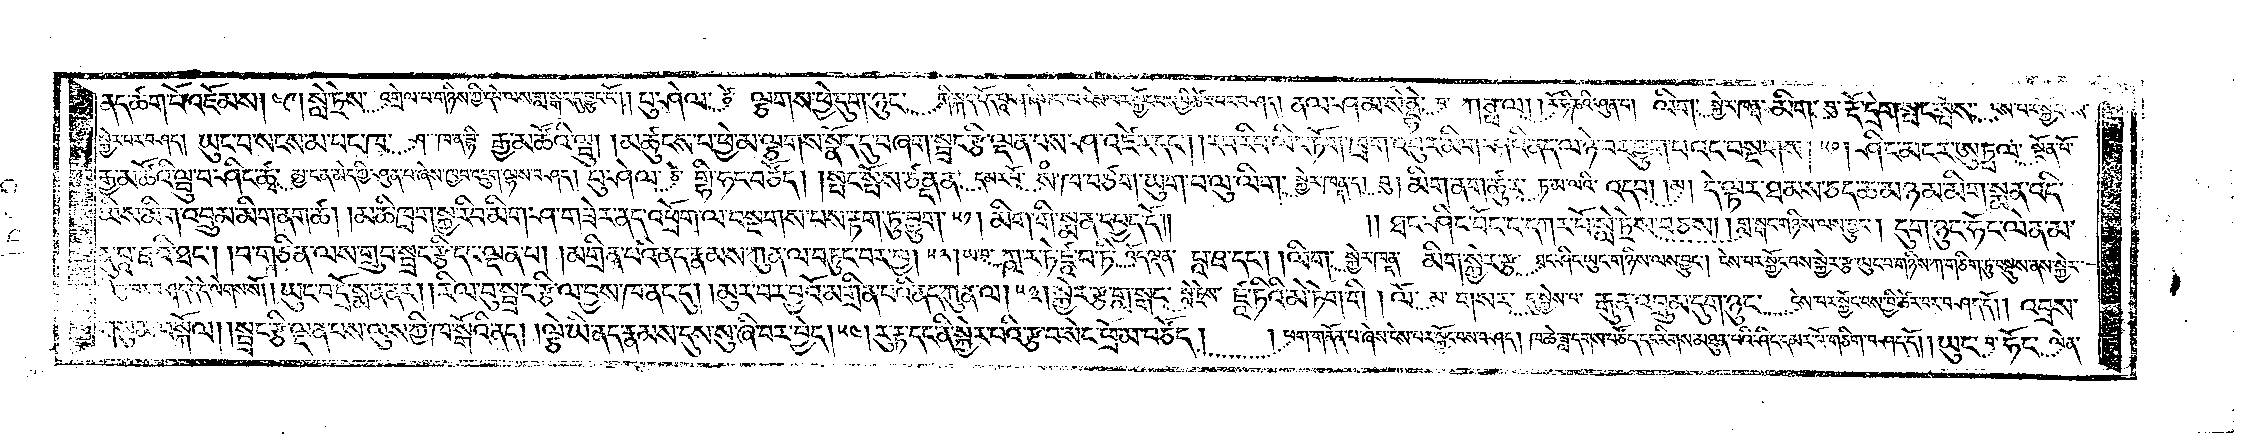ནད་ཚ་ག་པོ་འཇོམས། ༤༩་།སླེ་ཏྲེས་འགྲེལ་པ་གཉིས་ཀྱི་དཔེ་ལས་གླ་སྒང་དུ་བྱུང་ངོ། །པུ་ཤེལ་ཙེ་ལྕགས་ཕྱེ་དུག་ཉུང་གི་སྐད་དོད་པཱ་ཤ་ཞེས་པ་ལ་ངེས་ལར་སྐྱོང་བས་བྱི་ཚེར་པར་བཤད། ནལ་ཤམ་སེནྡྷེ་བ་ཀཊྥ་ལ།། རོ་ཧི་ཎའི་ཤུན་པ། ལིག་སྐྱེར་ཁནྡ་མིག་བུ་རྡོ་དྲེག་སྤང་སྤོས་ངས་པར་སྐྱོང་པས་
སྐྱེར་པར་བཤད། ཡུང་བ་སངས་མ་པང་ཁ་ཤ་ཁ་ན་བྷི་རྒྱ་མཚོའི་ལྦུ། །མཚུངས་པ་ཕྱེ་མ་ལྕགས་སྣོད་དུ་བཞག་སྦྲང་རྩི་ལྡན་པས་ཤ་འཛེར་དང་། །རབ་རིབ་ལིང་ཏོག་ཁྲག་འབུར་མིག་ཤའི་ནད་ལ་ཉེ་བར་གྱུག་པའང་བསྔགས། ༥༠་།ཤིང་མངར་ཨུཏྤལ་སྔོན་པོ་
རྒྱ་མཚོའི་ལྦུ་བ་ཤིང་ཚྭ་མྱ་ངན་མེད་ཀྱི་ཤུན་པ་ཞེས་ཁྱབ་འཇུག་ལྷས་བཤད། པུ་ཤེལ་ཅེ་གྷི་ཧང་བཙོད། །སྤང་སྤོས་ཙནྡན་དམར་པོ་སཾ་ཁ་བཙག་ཡུག་བ་ལུ་ལིག་སྐྱེར་ཁནྡ་ད། བུ། མིག་ནག་ཚུར་ཏ་མ་ལའི་འདབ། །མ། དེ་ལྟར་ཐམས་ཅད་ཆ་མཉམ་མིག་སྨན་འདི་
ཡིས་མིག་འབྲུམ་མིག་ནག་ཚ། །མཆི་ཁྲག་སྐྱ་རིབ་མིག་ཤ་གཟེར་ནད་འཕྲོག་ལ་བསྔགས་པས་རྟག་ཏུ་བྱུག། ༥༡་།མིག་གི་སྨན་དཔྱད་དོ།། །།ཐང་ཤིང་བོང་ང་དཀར་པོ་སླེ་ཏྲེས་བཅས། །གླ་སྒང་གཉིས་ལས་བྱུང་། དུག་ཉུང་ཧོང་ལེན་མ་
ནུ་པཱ་ཐའི་ཐང་། །བ་གཅིན་ལས་གྲུབ་སྦྲང་རྩི་དང་ལྡན་པ། །མགྲིན་པའི་ནད་རྣམས་ཀུན་ལ་བཏུང་བར་བྱ། ༤༢་།ཡ་བ་ཀྵ་ར་ཏེ་ཛཱ་བ་ཏི་འོད་ལྡན་པཱ་ཊཿཨ་དང་། །ལིག་སྐྱེར་ཁནྡ་མིག་སྐྱེར་རྩ་ཐང་ཤིང་ཡུང་གཉིས་ལས་བྱུང་། ངེས་པར་སྐྱོང་བས་སྐྱེར་རྩ་ཡུང་བ་གཉིས་ཀ་གཅིག་ཏུ་བསྡུས་ནས་སྐྱེར་
བའི་བར་བཤད་དེ་དེ་ལེགས་སོ། །ཡུང་བ་དྲོ་སྨན་ནར། །རིལ་བུ་སྦྲང་རྩི་ལ་བྱས་ཁ་ནང་དུ། །མུར་བར་བྱའོ་མགྲིན་པའི་ནད་ཀུན་ལ། ༥༣་།སྐྱེར་རྩ་གླ་སྒང་སླེ་ཏྲེས་ཛཱ་ཏིའི་མེ་ཏེག་གི །ལོ་མ་གསར་དུ་སྐྱེས་བ་རྒུན་འབྲུམ་དུག་ཉུང་ངེས་པར་སྐྱོང་བས་བྱི་ཚེར་བར་བཤད་དོ།། འབྲས་
གསུམ་བསྐོལ། །སྦྲང་རྩི་ལྡན་པས་ལུས་ཀྱི་ཁ་སྒོའི་ནད། །ལྕེ་ཡི་ནད་རྣམས་དུས་སུ་ཞི་བར་བྱེད། ༥༤་།རུ་རྟ་དང་ནི་སྐྱེར་པའི་རྩ་བ་སེང་ཕྲོམ་བཙོད། །ཕག་གནོན་པ་ཞེས་ངེས་པར་སྐྱོང་བས་བཤད། ཁ་ཆེ་ཟླ་དགས་བརྩོད་དང་རིགས་མཐུན་པའི་ཤིང་དམར་པོ་གཅིག་བཤད་དོ། །ཡུང་བ་ཧོང་ལེན་